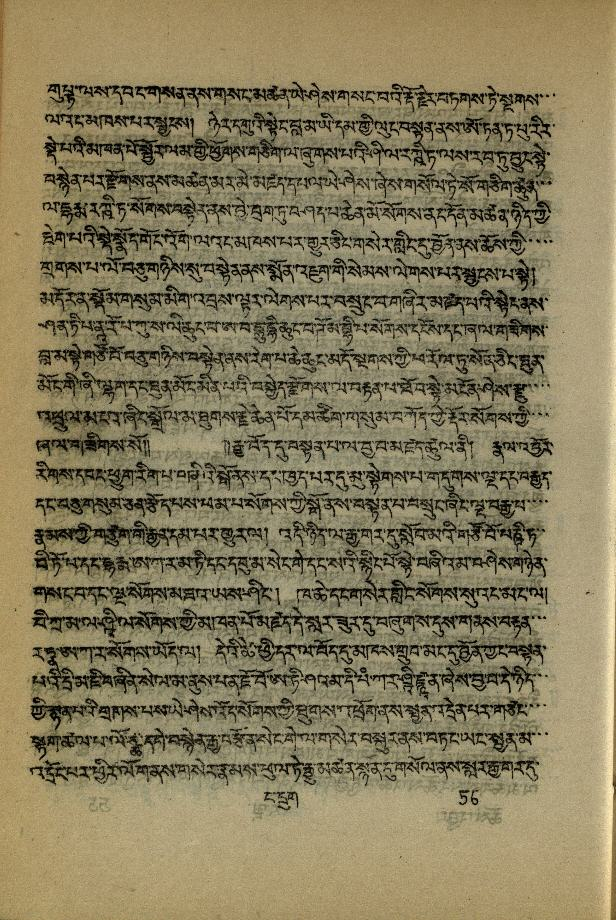གུཔྟ་ལས་དབང་གསན་ནས་གསང་མཚན་ཡེ་ཤེས་གསང་བའི་རྡོ་རྗེར་བཏགས་ཏེ་སྔགས་
ལའང་མཁས་པར་སྦྱངས། ཉེར་དགུའི་སྟེང་བླ་མ་ཡི་དམ་གྱི་ལུང་བསྟན་ནས་ཨོ་ཏན་ཏ་པུ་རིར་
སྡེ་པའི་མཁན་པོ་སྦྱོར་ལམ་གྱི་ཕྱོགས་གཅིག་ལ་ཞུགས་པའི་ཤི་ལ་རཀྵི་ཏ་ལས་རབ་ཏུ་བྱུང་སྟེ་
བསྙེན་པར་རྫོགས་ནས་མཚན་མར་མེ་མཛད་དཔལ་ཡེ་ཤེས་ཞེས་གསོལ་ཏེ་སོ་གཅིག་ཚུན་
ལ་དྷརྨ་རཀྵི་ཏ་སོགས་བསྟེན་ནས་བྱེ་བྲག་ཏུ་བཤད་པ་ཆེན་མོ་སོགས་ནང་དོན་མཚན་ཉིད་ཀྱི་
ཐེག་པའི་སྡེ་སྣོད་གོང་འོག་ལའང་མཁས་པར་གྱུར་ཅིང་གསེར་གླིང་དུ་བྱོན་ནས་ཆོས་ཀྱི་
གྲགས་པ་ལོ་བཅུ་གཉིས་སུ་བསྟེན་ནས་སྨོན་འཇུག་གི་སེམས་ལེགས་པར་སྦྱངས་པ་སྟེ།
མདོར་ན་སྡོམ་གསུམ་མིག་འབྲས་ལྟར་ལེགས་པར་བསྲུང་བ་གཞིར་མཛད་པའི་སྟེང་ནས་
ཤན་ཏི་པ་ནཱ་རོ་པ་ཀུ་ས་ལི་ཆུང་བ་ཨ་བ་དྷུ་དྷི་ཆུང་བ་ཌོམ་བྷི་པ་སོགས་དངོས་དང་ཞལ་གཟིགས་
བླ་མ་སྟེ་གཙོ་བོ་བཅུ་གཉིས་བསྟེན་ནས་རེག་པ་ཆེ་ཆུང་མདོ་སྔགས་ཀྱི་ཕ་རོལ་ཏུ་སོན་ཅིང་ཐུན་
མོང་གི་ཞི་ལྷག་དང་ཐུན་མོང་མིན་པའི་བསྐྱེད་རྫོགས་ལ་བརྟེན་པ་ཐོབ་སྟེ་མངོན་ཤེས་རྫུ་
འཕྲུལ་མངའ་ཞིང་སྒྲོལ་མ་ཐུགས་རྗེ་ཆེན་པོ་དམ་ཚིག་གསུམ་བཀོད་ཀྱི་རྡོར་སོགས་ཀྱི་
ཞལ་གཟིགས་སོ།། །།རྒྱ་བོད་དུ་བསྟན་པ་ལ་བྱ་བ་མཛད་ཚུལ་ནི། རྣལ་འབྱོར་
རིགས་དབང་ཕྱུག་རིག་པ་བཞིའི་སྒོ་ནས་དང་ཁྱད་པར་དུ་མུ་སྟེགས་པ་གདུགས་ལྔ་དང་བརྒྱད་
དང་བཅུ་གསུམ་ཅན་རྩོད་པས་ཕམ་པ་སོགས་ཀྱི་སྒོ་ནས་བསྟན་པ་བསྲུང་ཞིང་ལྔ་བརྒྱ་པ་
རྣམས་ཀྱི་གཙུག་གི་རྒྱན་དམ་པར་གྱུར་ལ། འདི་ཉིད་ལ་རྒྱ་གར་དུ་སློབ་མའི་གཙོ་བོ་པཎྜི་ཏ་
བི་ཏོ་པ་དང་དྷརྨ་ཨ་ཀ་ར་མ་ཏི་དང་དབུ་མ་སེང་གེ་དང་སའི་སྙིང་པོ་སྟེ་བཞིའམ་བཤེས་གཉེན་
གསང་བ་དང་ལྔ་སོགས་མཐའ་ཡས་ཤིང་། ཁ་ཆེ་དང་གསེར་གླིང་སོགས་སུའང་མང་ལ།
བི་ཀྲ་མ་ལ་ཤཱི་ལ་སོགས་ཀྱི་མཁན་པོ་མཛད་དེ་སླར་ཟུར་དུ་བཞུགས་དུས་གནས་བརྟན་
རཏྣ་ཨ་ཀ་ར་སོགས་ཡོད་ལ། དེའི་ཚེ་ཕྱི་དར་ལ་བོད་དུ་མཁས་གྲུབ་མང་དུ་བྱོན་ཀྱང་བསྟན་
པའི་དྲི་མ་ཇི་བཞིན་སེལ་མ་ནུས་པ་ན་ཇོ་བོ་ཨ་ཏི་ཤའམ་དི་པཾ་ཀར་ཤྲཱི་ཛྙཱ་ན་ཞེས་བྱ་བ་དེ་ཉིད་
ཀྱི་སྙན་པའི་གྲགས་པས་ཡེ་ཤེས་འོད་སོགས་ཀྱི་ཐུགས་འཕྲོག་ནས་སྤྱན་འདྲེན་པར་གཙང་
སྟག་ཚལ་པ་ལོ་ཙྪ་དགེ་བསྙེན་རྒྱ་བརྩོན་སེང་གེ་ལ་གསེར་བསྐུར་ནས་བཏང་ཡང་སྤྱན་མ་
འདྲོང་པར་ཕྱིར་ལོ་གནས་གསེར་རྣམས་ཕུལ་ཏེ་རྒྱུ་མཚན་སྙན་དུ་གསོལ་ནས་སླར་རྒྱ་གར་དུ་